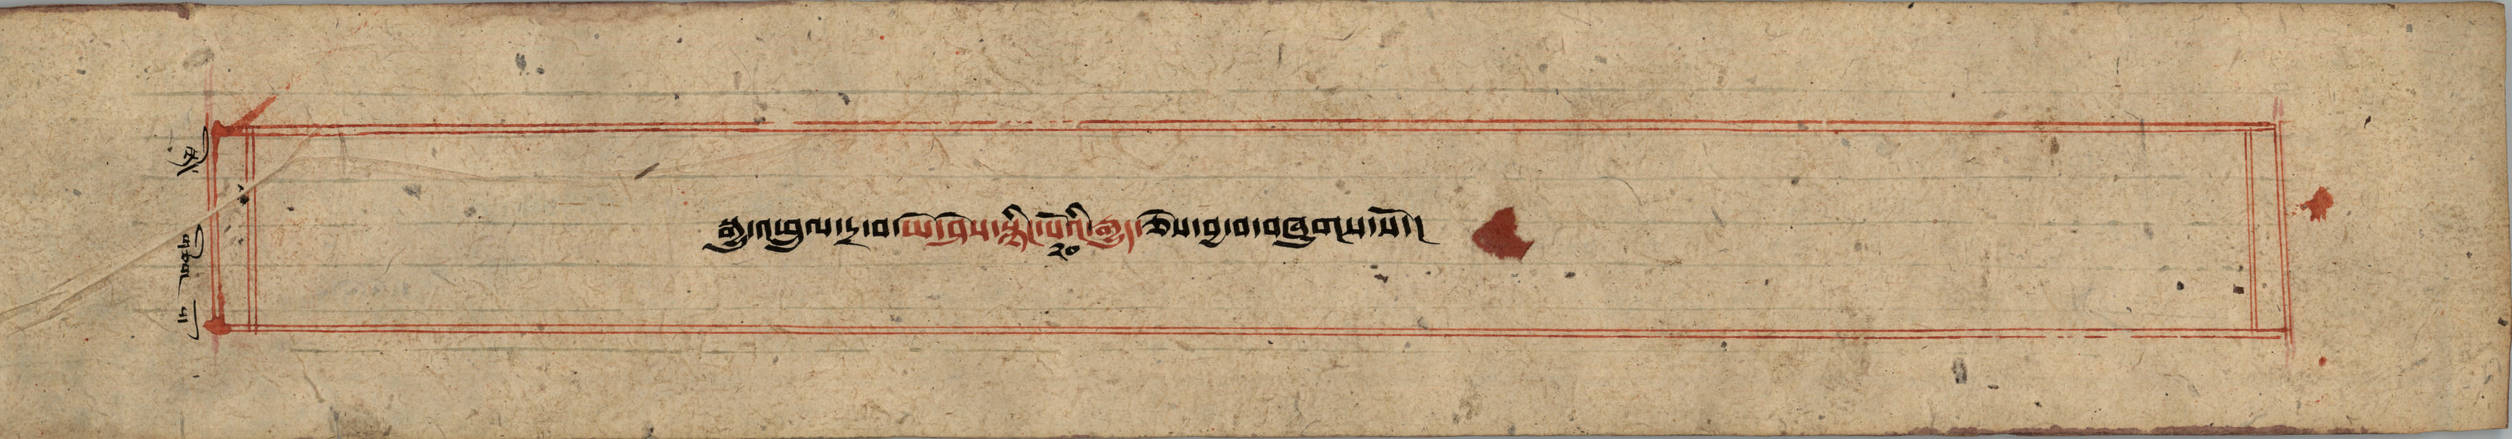སྒྲུ་འཕྲུལ་དྲ་བ་ཡེ་ཤེས་སྙིང་པོའི་རྒྱུད་ཅེས་བྱ་བ་བཞུགས་སོ་།